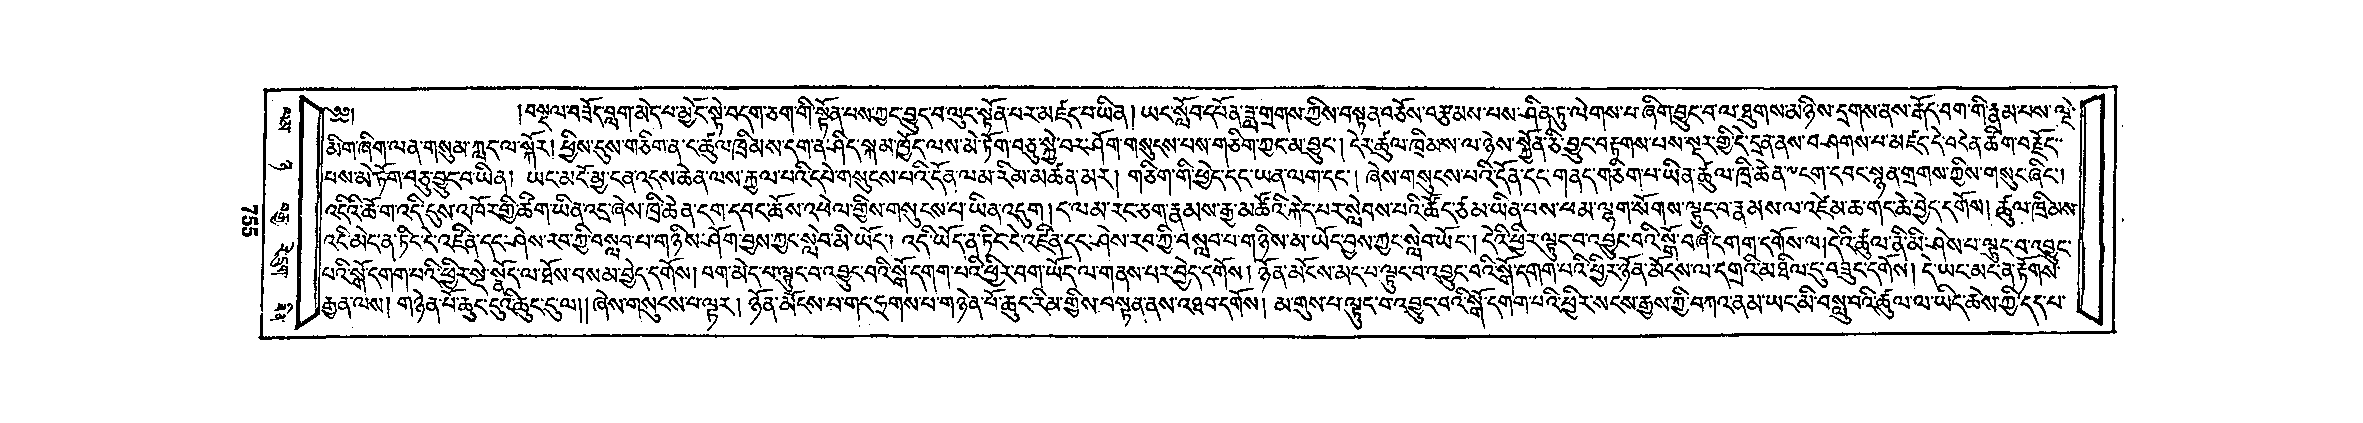༄༅། །བསྔལ་བཟོད་བླག་མེད་པ་མྱོང་སྟེ་བདག་ཅག་གི་སྟོན་པས་ཀྱང་བྱུང་བ་ལུང་སྟོན་པར་མཛད་པ་ཡིན། ཡང་སློབ་དཔོན་ཟླ་གྲགས་ཀྱིས་བསྟན་བཅོས་བརྩམས་པས་ཤིན་ཏུ་ལེགས་པ་ཞིག་བྱུང་བ་ལ་ཐུགས་མཉིས་དྲགས་ནས་རྒོད་བག་གི་རྣམ་པས་ལྡེ་
མིག་ཞིག་ལན་གསུམ་ཀླད་ལ་སྐོར། ཕྱིས་དུས་གཅིག་ན་ང་ཚུལ་ཁྲིམས་དག་ན་ཤིད་སྐམ་ཁྱོད་ལས་མེ་ཏོག་བཅུ་སྐྱེ་བར་ཤོག་གསུངས་པས་གཅིག་ཀྱང་མ་བྱུང་། དེར་ཚུལ་ཁྲིམས་ལ་ཉེས་སྐྱོན་ཅི་བྱུང་བརྟགས་པས་སྔར་གྱི་དེ་དྲན་ནས་བཤགས་པ་མཛད་དེ་བདེན་ཚིག་བརྗོད་
པས་མེ་ཏོག་བཅུ་བྱུང་བ་ཡིན། ཡང་མདོ་མྱ་ངན་འདས་ཆེན་ལས་རྐྱལ་པའི་དཔེ་གསུངས་པའི་དོན་ལམ་རིམ་མཚན་མར། གཅིག་གི་ཕྱེད་དང་ཡན་ལག་དང་། ཞེས་གསུངས་པའི་དོན་དང་གནད་གཅིག་པ་ཡིན་ཚུལ་ཁྲི་ཆེན ༧ངག་དབང་སྙན་གྲགས་ཀྱིས་གསུང་ཞིང་།
འདིའི་ཆོ་ག་འདི་དུས་འཁོར་གྱི་ཚིག་ཡིན་འདྲ་ཞེས་ཁྲི་ཆེན་ངག་དབང་ཆོས་འཕེལ་གྱིས་གསུངས་པ་ཡིན་འདུག །ད་ལམ་རང་ཅག་རྣམས་རྒྱ་མཚོའི་རྐེད་པར་སླེབས་པའི་ཚོད་ཙམ་ཡིན་པས་ཕམ་ལྷག་སོགས་ལྟུང་བ་རྣམས་ལ་འཛེམ་ཆ་གང་ཆེ་བྱེད་དགོས། ཚུལ་ཁྲིམས་
འདི་མེད་ན་ཏིང་ངེ་འཛིན་དང་ཤེས་རབ་ཀྱི་བསླབ་པ་གཉིས་ཤོག་བྱས་ཀྱང་སླེབ་མི་ཡོང་། འདི་ཡོད་ན་ཏིང་ངེ་འཛིན་དང་ཤེས་རབ་ཀྱི་བསླབ་པ་གཉིས་མ་ཡོང་བྱས་ཀྱང་སླེབ་ཡོང་། དེའི་ཕྱིར་ལྟུང་བ་འབྱུང་བའི་སྒོ་བཞི་དགག་དགོས་ལ། དེའི་ཚུལ་ནི་མི་ཤེས་པ་ལྟུང་བ་འབྱུང་
པའི་སྒོ་དགག་པའི་ཕྱིར་སྡེ་སྣོད་ལ་ཐོས་བསམ་བྱེད་དགོས། བག་མེད་པ་ལྟུང་བ་འབྱུང་བའི་སྒོ་དགག་པའི་ཕྱིར་བག་ཡོད་ལ་གནས་པར་བྱེད་དགོས། ཉོན་མོངས་མང་པ་ལྟུང་བ་འབྱུང་བའི་སྒོ་དགག་པའི་ཕྱིར་ཉོན་མོངས་ལ་དགྲའི་མཐིལ་དུ་བཟུང་དགོས། དེ་ཡང་མང་ན་རྟོགས་
རྒྱན་ལས། གཉེན་པོ་ཆུང་ངུའི་ཆུང་ངུ་ལ། །ཞེས་གསུངས་པ་ལྟར། ཉོན་མོངས་པ་གང་ཧྲགས་པ་གཉེན་པོ་ཆུང་རིམ་གྱིས་བསྟན་ནས་འཐབ་དགོས། མ་གུས་པ་ལྟུང་བ་འབྱུང་བའི་སྒོ་དགག་པའི་ཕྱིར་སངས་རྒྱས་ཀྱི་བཀའ་ནམ་ཡང་མི་བསླུ་བའི་ཚུལ་ལ་ཡིད་ཆེས་ཀྱི་དད་པ་